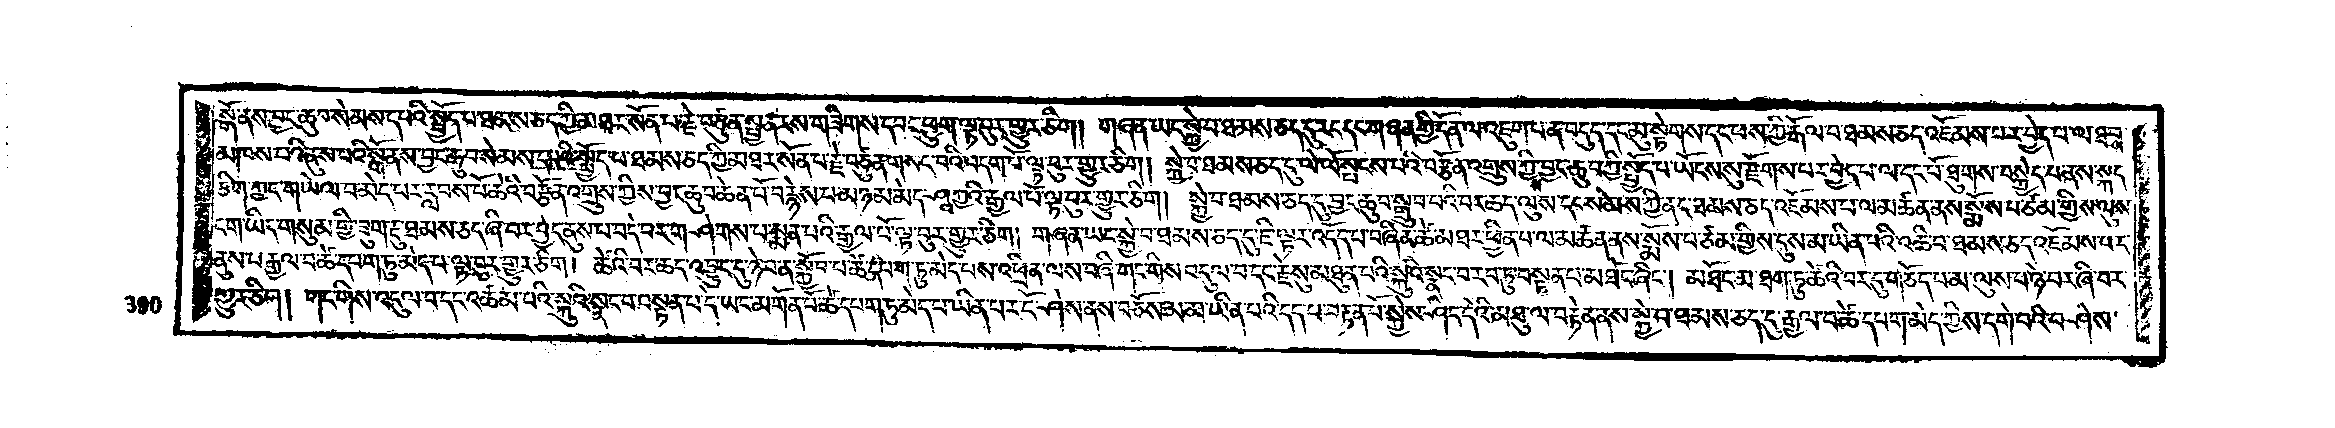སྒོ་ནས་བྱང་ཆུབ་སེམས་དཔའི་སྤྱོད་པ་ཐམས་ཅད་ཀྱི་མཐར་སོན་པ་རྗེ་བཙུན་སྤྱན་རས་གཟིགས་དབང་ཕྱུག་ལྟ་བུར་གྱུར་ཅིག། གཞན་ཡང་སྐྱེ་བ་ཐམས་ཅད་དུ་རང་དང་གཞན་གྱི་དོན་ལ་འཇུག་པ་ན་བདུད་དང་མུ་སྟེགས་དང་ཕས་ཀྱི་རྒོལ་བ་ཐམས་ཅད་འཇོམས་པར་བྱེད་པ་ལ་ཐབས་
མཁས་པའི་ནུས་པའི་སྒོ་ནས་བྱང་ཆུབ་སེམས་དཔའི་སྤྱོད་པ་ཐམས་ཅད་ཀྱི་མཐར་སོན་པ་རྗེ་བཙུན་གསང་བའི་བདག་པོ་ལྟ་བུར་གྱུར་ཅིག། སྐྱེ་བ་ཐམས་ཅད་དུ་ལེ་ལོ་སྤངས་པའི་བརྩོན་འགྲུས་ཀྱིས་བྱང་ཆུབ་ཀྱི་སྤྱོད་པ་ཡོངས་སུ་རྫོགས་པར་བྱེད་པ་ལ་དང་པོ་ཐུགས་བསྐྱེད་པ་ནས་སྐད་
ཅིག་ཀྱང་གཡེལ་བ་མེད་པར་རླབས་པོ་ཆེའི་བརྩོན་འགྲུས་ཀྱིས་བྱང་ཆུབ་ཆེན་པོ་བརྙེས་པ་མཉམ་མེད་ཤཱཀྱའི་རྒྱལ་པོ་ལྟ་བུར་གྱུར་ཅིག། སྐྱེ་བ་ཐམས་ཅད་དུ་བྱང་ཆུབ་སྒྲུབ་པའི་བར་ཆད་ལུས་དང་སེམས་ཀྱི་ནད་ཐམས་ཅད་འཇོམས་པ་ལ་མཚན་ནས་སྨོས་པ་ཙམ་གྱིས་ལུས་
ངག་ཡིད་གསུམ་གྱི་ཟུག་རྡུ་ཐམས་ཅད་ཞི་བར་བྱེད་ནུས་པ་བདེ་བར་གཤེགས་པ་སྨན་པའི་རྒྱལ་པོ་ལྟ་བུར་གྱུར་ཅིག། གཞན་ཡང་སྐྱེ་བ་ཐམས་ཅད་དུ་ཇི་ལྟར་འདོད་པ་བཞིན་ཚེ་མཐར་ཕྱིན་པ་ལ་མཚན་ནས་སྨོས་པ་ཙམ་གྱིས་དུས་མ་ཡིན་པའི་འཆི་བ་ཐམས་ཅད་འཇེམས་པར་
ནུས་པ་རྒྱལ་བ་ཚེ་དཔག་ཏུ་མེད་པ་ལྟ་བུར་གྱུར་ཅིག །ཚེའི་བར་ཆད་འབྱུང་དུ་ཉེ་བ་ན་སྐྱོབ་པ་ཚེ་དཔག་ཏུ་མེད་པས་འཕྲིན་ལས་བཞི་གང་གིས་འདུལ་བ་དང་རྗེས་སུ་མཐུན་པའི་སྐུའི་སྣང་བ་རབ་ཏུ་བསྟན་པ་མཐོང་ཞིང་། མཐོང་མ་ཐག་ཏུ་ཚེའི་བར་དུ་གཅོད་པ་མ་ལུས་པ་ཉེ་བར་ཞི་བར་
གྱུར་ཅིག། གང་གིས་འདུལ་བ་དང་འཚམ་པའི་སྐུའི་སྣང་བ་བསྟན་པ་དེ་ཡང་མགོན་པོ་ཚེ་དཔག་ཏུ་མེད་པ་ཡིན་པར་ངོ་ཤེས་ནས་བཅོས་མ་མ་ཡིན་པའི་དད་པ་བརྟན་པོ་སྐྱེས་ཤིང་དེའི་མཐུ་ལ་བརྟེན་ནས་སྐྱེ་བ་ཐམས་ཅད་དུ་རྒྱལ་བ་ཚེ་དཔག་མེད་ཀྱིས་དགེ་བའི་བཤེས་